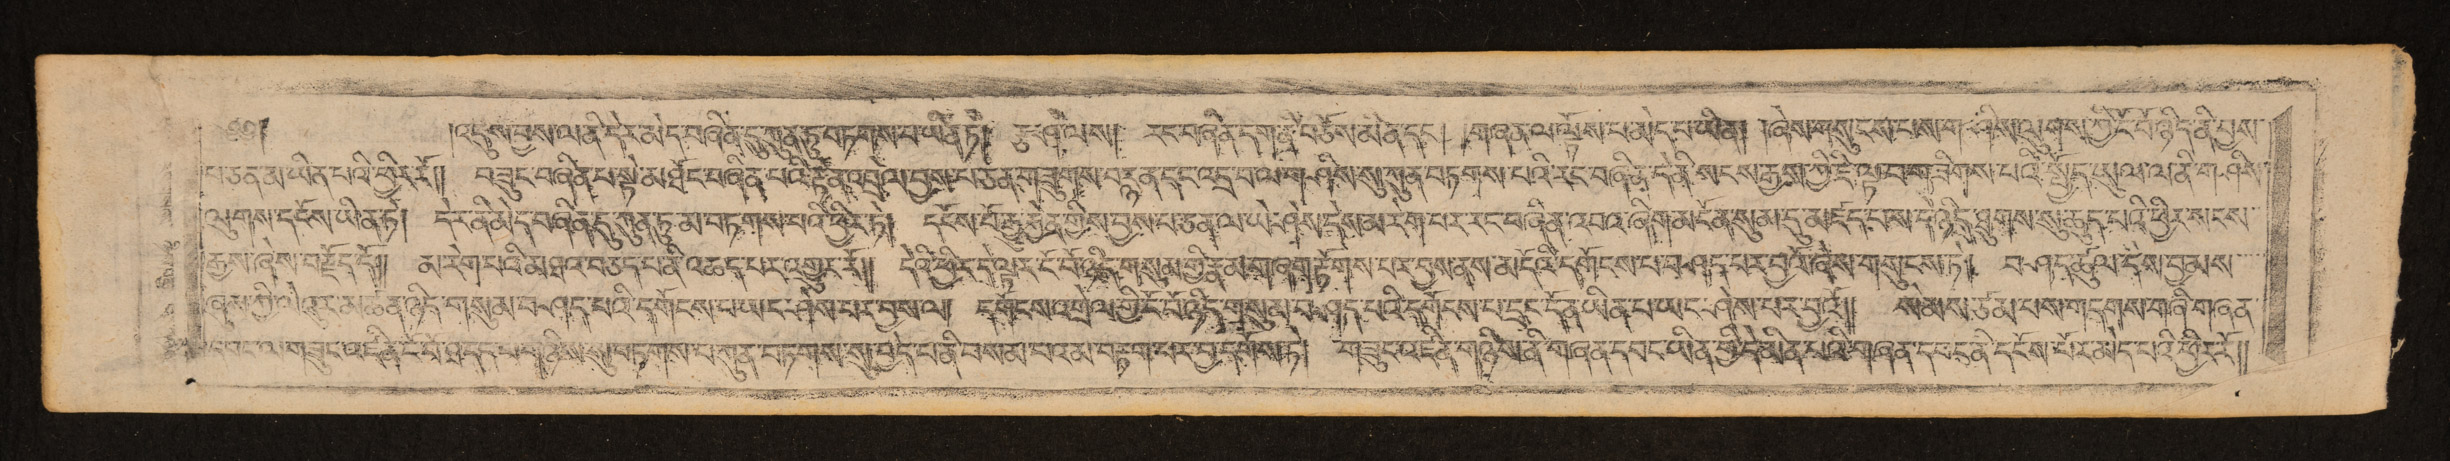༄༅། །འདུས་བྱས་ལ་ནི་དེར་མེད་བཞིན་དུ་ཀུན་ཏུ་བཏགས་པ་ཡིན་ཏེ། རྩ་ཤེ་ལས། རང་བཞིན་དག་ནི་བཅོས་མིན་དང་། །གཞན་ལ་ལྟོས་པ་མེད་པ་ཡིན། །ཞེས་གསུངས་པས་གཤིས་ལུགས་ཀྱི་ངོ་བོ་ཉིད་ནི་བྱས་
པ་ཅན་མ་ཡིན་པའི་ཕྱིར་རོ།། བཟུང་བཞིན་པ་སྟེ་མཐོང་བཞིན་པའི་རྟེན་འབྲེལ་བྱས་པ་ཅན་གཟུགས་བརྙན་དང་འདྲ་བ་ལ་གཤིས་སུ་ཀུན་བཏགས་པའི་རང་བཞིན་དེ་ནི་སངས་རྒྱས་ཀྱི་ཇི་ལྟ་བ་གཟིགས་པའི་སྤྱོད་ཡུལ་ལ་ནི་གཤིས་
ལུགས་དངོས་ཡིན་ཏེ། དེར་ནི་མེད་བཞིན་དུ་ཀུན་ཏུ་མ་བཏགས་པའི་ཕྱིར་ཏེ། དངོས་པོ་རྒྱུ་རྐྱེན་གྱིས་བྱས་པ་ཅན་ལ་ཡེ་ཤེས་དེས་མ་རེག་པར་རང་བཞིན་འབའ་ཞིག་མངོན་སུམ་དུ་མཛད་པས་དེ་ཉིད་ཐུགས་སུ་ཆུད་པའི་ཕྱིར་སངས་
རྒྱས་ཞེས་བརྗོད་དེ།། མ་རིག་པའི་མཐའ་བཅད་པ་ནི་འཆད་པར་འགྱུར་རོ།། དེའི་ཕྱིར་དེ་ལྟར་ངོ་བོ་ཉིད་གསུམ་གྱི་རྣམ་གཞག་རྟོགས་པར་བྱས་ནས་མདོའི་དགོངས་པ་བཤད་པར་བྱའོ་ཞེས་གསུངས་ཏེ། བཤད་ཚུལ་དེས་བྱམས་
ཞུས་ཀྱི་ལེའུར་མཚན་ཉིད་གསུམ་བཤད་པའི་དགོངས་པ་ཡང་ཤེས་པར་བྱས་ལ།། དགོངས་འགྲེལ་གྱི་ངོ་བོ་ཉིད་གསུམ་བཤད་པའི་དགོངས་པ་དྲང་དོན་ཡིན་པ་ཡང་ཤེས་པར་བྱའོ།། སེམས་ཙམ་པས་གདགས་གཞི་གཞན་
དབང་ལ་གཟུང་འཛིན་ངོ་བོ་ཐ་དད་པ་གཉིས་སུ་བཏགས་པ་ཀུན་བརྟགས་སུ་བྱེད་པ་ནི་བསམ་པའམ་བརྟག་པར་བྱ་དགོས་ཏེ། གཟུང་འཛིན་གཉིས་ནི་གཞན་དབང་ཡིན་གྱི་དེ་མིན་པའི་གཞན་དབང་ནི་དངོས་པོར་མེད་པའི་ཕྱིར་རོ།།